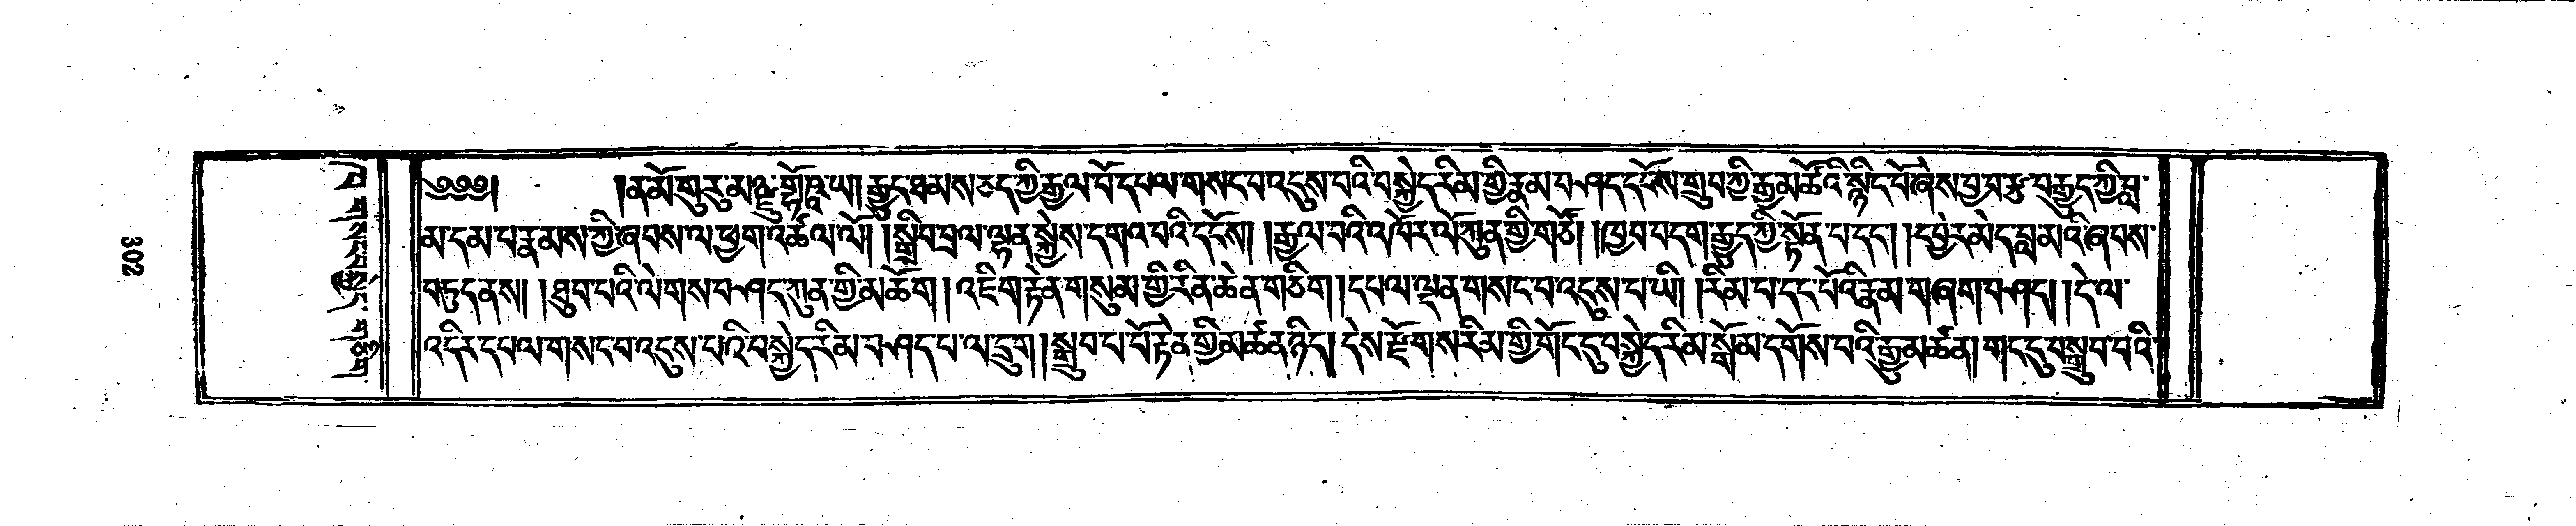༄༅༅། །ན་མོ་གུ་རུ་མཉྫུ་གྷོ་ཥཱ་ཡ། རྒྱུད་ཐམས་ཅད་ཀྱི་རྒྱལ་པོ་དཔལ་གསང་བ་འདུས་པའི་བསྐྱེད་རིམ་གྱི་རྣམ་བཤད་དངོས་གྲུབ་ཀྱི་རྒྱ་མཚོའི་སྙིང་པོ་ཞེས་བྱ་བ་རྩ་བརྒྱུད་ཀྱི་བླ་
མ་དམ་པ་རྣམས་ཀྱི་ཞབས་ལ་ཕྱག་འཚལ་ལོ། །སྒྲིབ་བྲལ་ལྷན་སྐྱེས་དགའ་བའི་དངོས། །རྒྱལ་བའི་འཁོར་ལོ་ཀུན་གྱི་གཙོ། །ཁྱབ་བདག་རྒྱུད་ཀྱི་སྟོན་པ་དང་། །དབྱེར་མེད་བླ་མའི་ཞབས་
བཏུད་ནས། །ཐུབ་པའི་ལེགས་བཤད་ཀུན་གྱི་མཆོག །འཇིག་རྟེན་གསུམ་གྱི་རིན་ཆེན་གཅིག །དཔལ་ལྡན་གསང་བ་འདུས་པ་ཡི། །རིམ་པ་དང་པོའི་རྣམ་གཞག་བཤད། །དེ་ལ་
འདིར་དཔལ་གསང་བ་འདུས་པའི་བསྐྱེད་རིམ་བཤད་པ་ལ་དྲུག །སྒྲུབ་པ་པོ་རྟེན་གྱི་མཚན་ཉིད། དེས་རྫོགས་རིམ་གྱི་གོང་དུ་བསྐྱེད་རིམ་སྒོམ་དགོས་པའི་རྒྱུ་མཚན། གང་དུ་བསྒྲུབ་པའི་